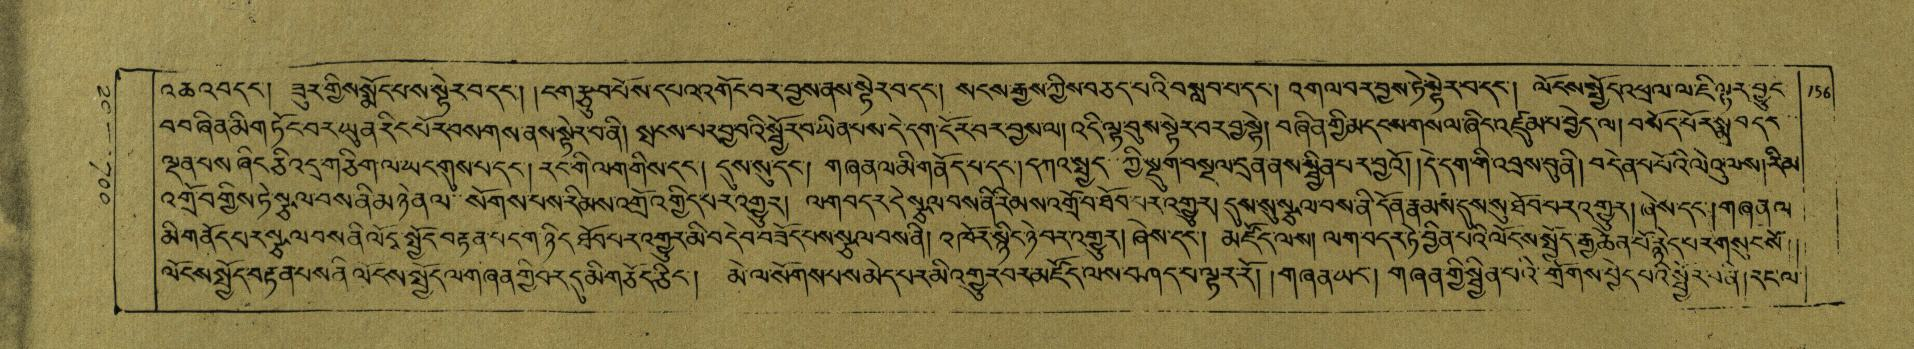འཆའ་བ་དང་། ཟུར་གྱིས་སྨོད་པས་སྟེར་བ་དང་། ངག་རྩུབ་པོས་དཔའ་འགོང་བར་བྱས་ནས་སྟེར་བ་དང་། སངས་རྒྱས་ཀྱིས་བཅད་པའི་བསླབ་པ་དང་། འགལ་བར་བྱས་ཏེ་སྟེར་བ་དང་། ལོངས་སྤྱོད་འཕྲལ་ལ་ཇི་ལྟར་བྱུང་
བ་བཞིན་མི་གཏོང་བར་ཡུན་རིང་པོར་བསགས་ནས་སྟེར་བ་ནི། སྤངས་པར་བྱ་བའི་སྦྱོར་བ་ཡིན་པས་དེ་དག་དོར་བར་བྱས་ལ། འདི་ལྟ་བུས་སྟེར་བར་བྱ་སྟེ། བཞིན་གྱི་མདངས་གསལ་ཞིང་འཛུམ་པ་བྱེད་ལ། བསོད་པོར་སྨྲ་བ་དང་
ལྡན་པས་ཞིང་ཅི་འདྲ་གཅིག་ལ་ཡང་གུས་པ་དང་། རང་གི་ལག་གིས་དང་། དུས་སུ་དང་། གཞན་ལ་མི་གནོད་པ་དང་། དཀའ་སྤྱད་ཀྱི་སྡུག་བསྔལ་དྲན་ནས་སྦྱིན་པར་བྱའོ། །དེ་དག་གི་འབྲས་བུ་ནི། བདེན་པ་པོའི་ལེའུ་ལས། རིམ་
འགྲོ་བགྱིས་ཏེ་སྩལ་བས་ནི་མཉེན་ལ་སོགས་པས་རིམས་འགྲོ་འགྱིད་པར་འགྱུར། ལག་བདར་དེ་སྩལ་བས་ནི་རིམས་འགྲོ་བ་ཐོབ་པར་འགྱུར། དུས་སུ་སྩལ་བས་ནི་དོན་རྣམས་དུས་སུ་ཐོབ་པར་འགྱུར། ཞེས་དང་། གཞན་ལ་
མི་གནོད་པར་སྩལ་བས་ནི་ལོངས་སྤྱོད་བརྟན་པ་དག་ཉིད་ཐོབ་པར་འགྱུར་མི་བདེ་བ་བཟོད་པས་སྩལ་བས་ནི། འཁོར་སྙིང་ཉེ་བར་འགྱུར། ཞེས་དང་། མཛོད་ལས། ལག་བདར་ཏེ་བྱིན་པའི་ལོངས་སྤྱོད་རྒྱ་ཆེན་པོ་རྙེད་པར་གསུངྶོ། །
ལོངས་སྤྱོད་བརྟན་པས་ནི་ལོངས་སྤྱོད་ལ་གཞན་གྱི་བར་དུ་མི་གཅོད་ཅིང་། མེ་ལ་སོགས་པས་མེད་པར་མི་འགྱུར་བར་མཛོད་ལས་བཤད་པ་ལྟར་རོ། །གཞན་ཡང་། གཞན་གྱི་སྦྱིན་པའི་གྲོགས་བྱེད་པའི་སྦྱོར་བ་ནི། རང་ལ་